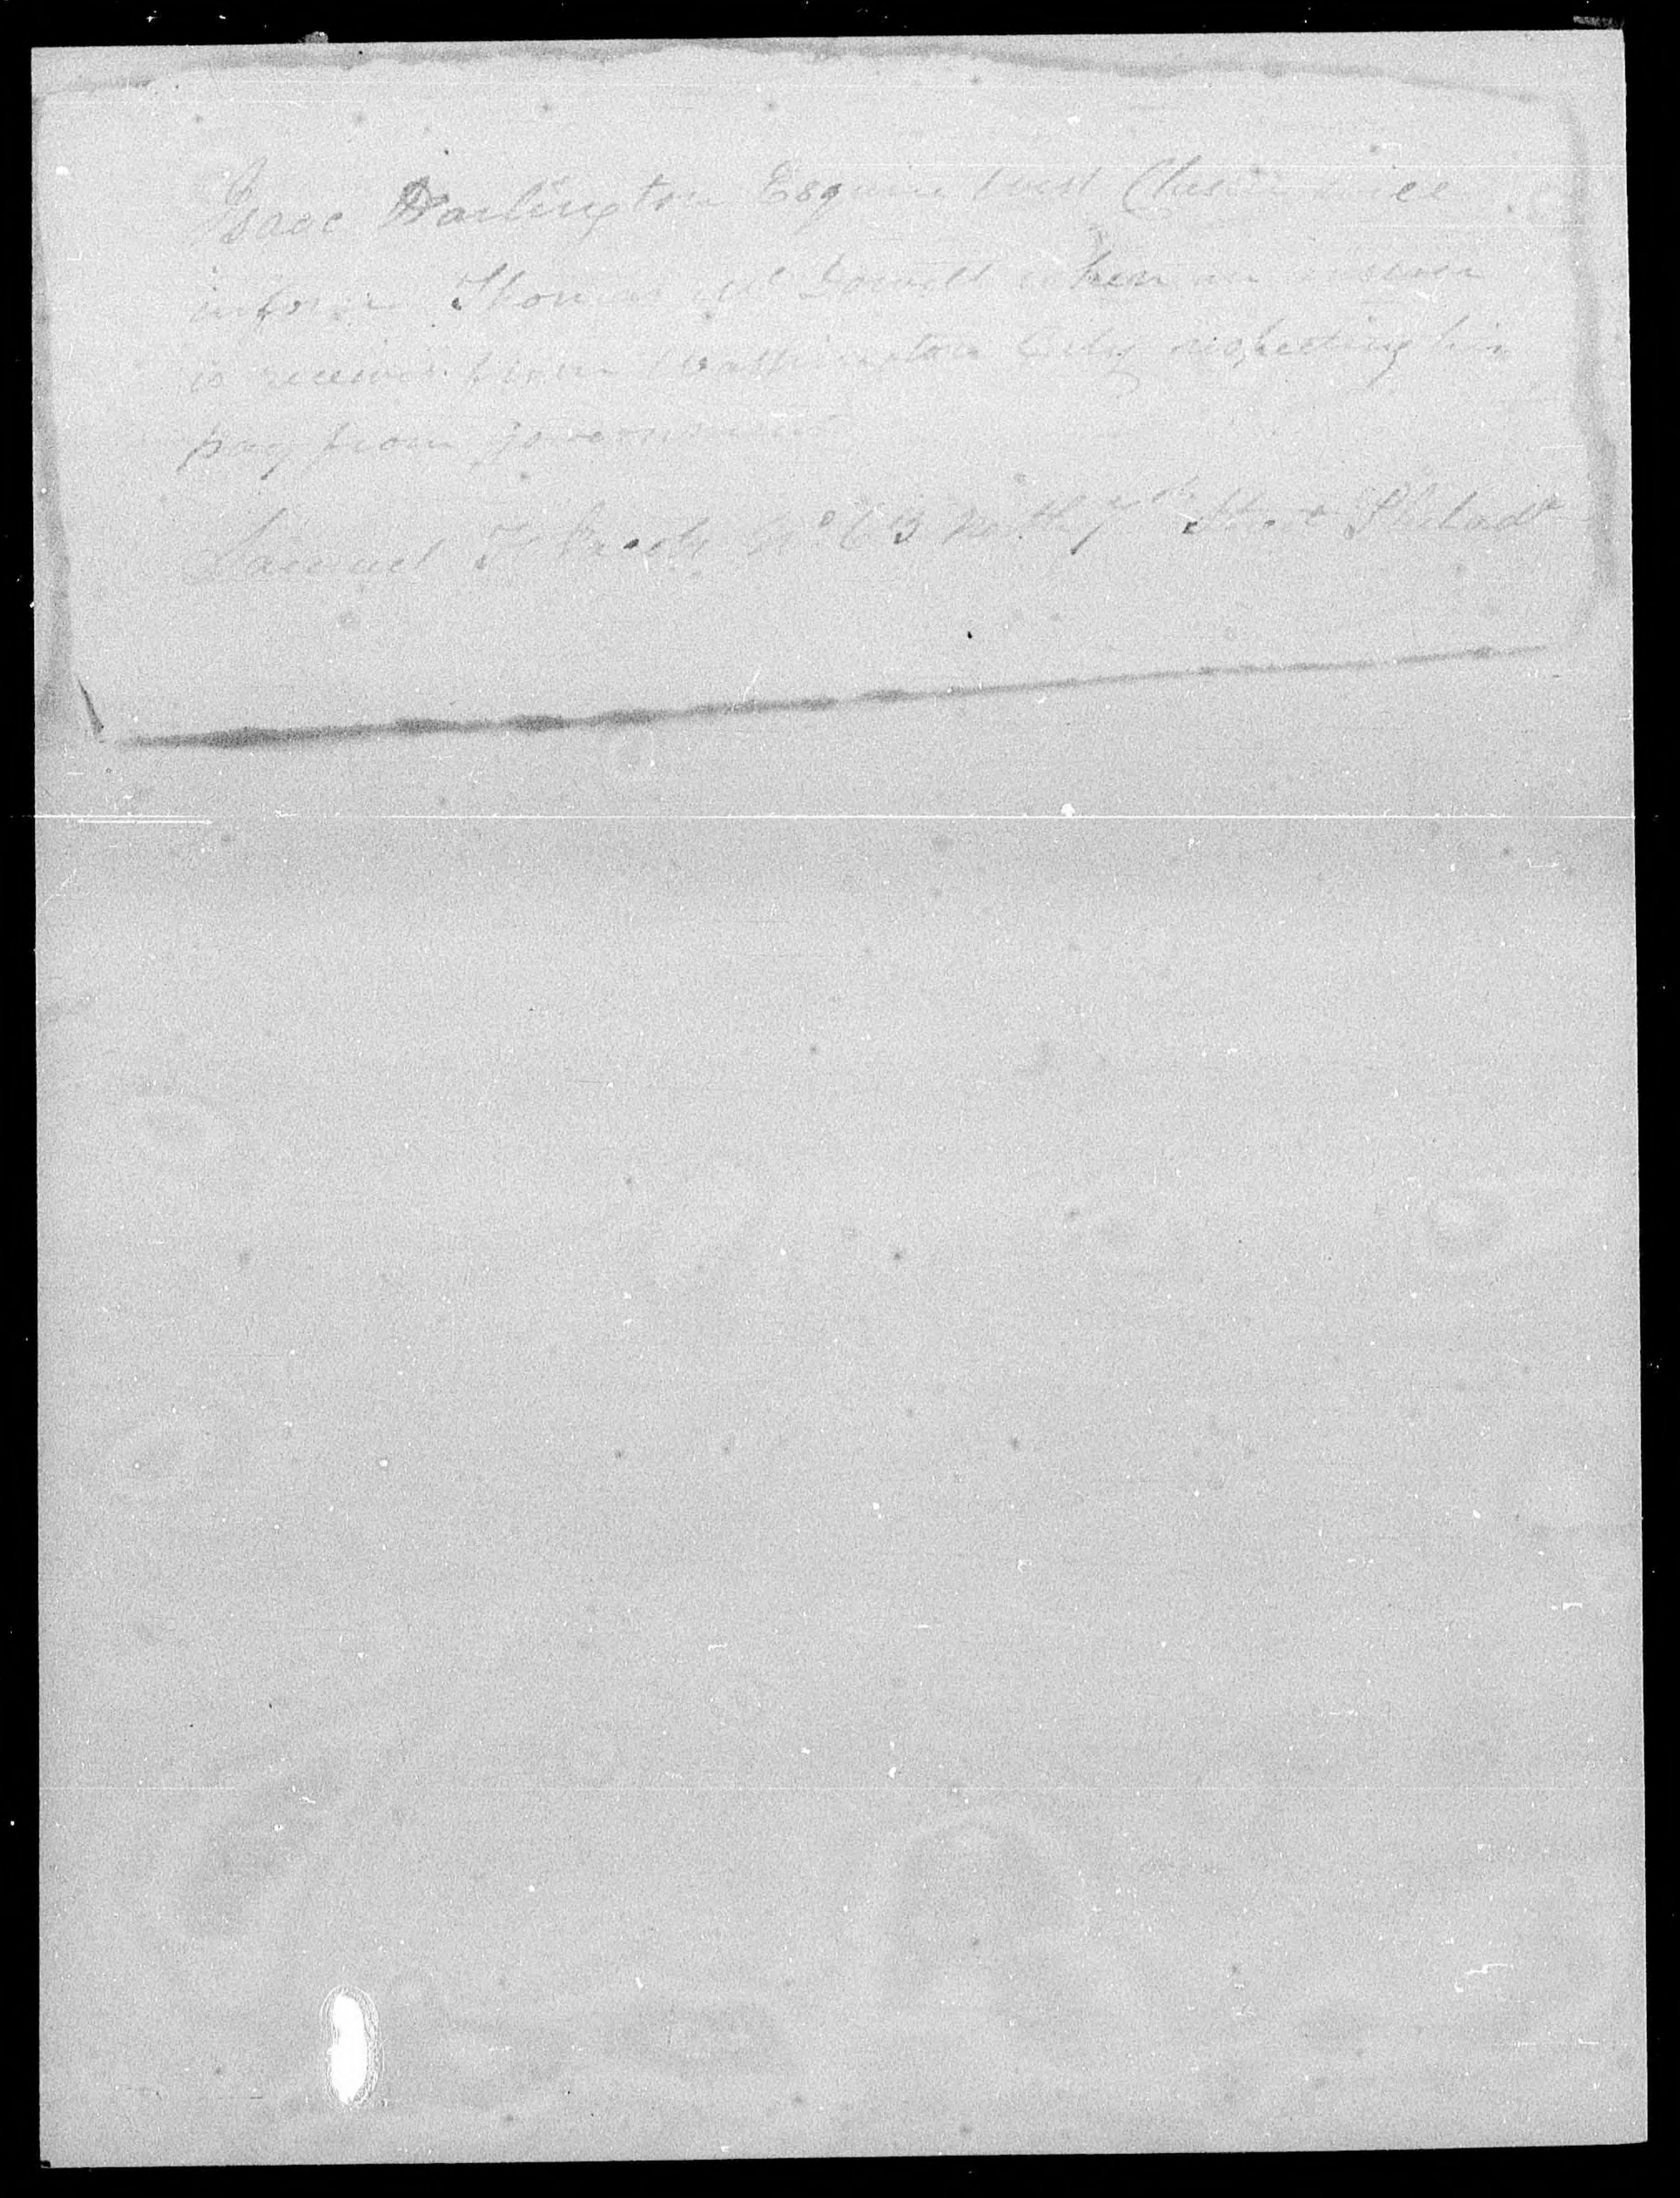Grace Darlington Esquire [illegible] Chester will inform Thomas McDowell when his income is received from Washington July reflecting his pay from pension

Samuel [illegible]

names: Isaac Darlington; Thomas Mc Dowell; Samuel F Jacobs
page: 26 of 63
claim: widow's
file: W 2957, for Thomas Mc Dowell, Maryland